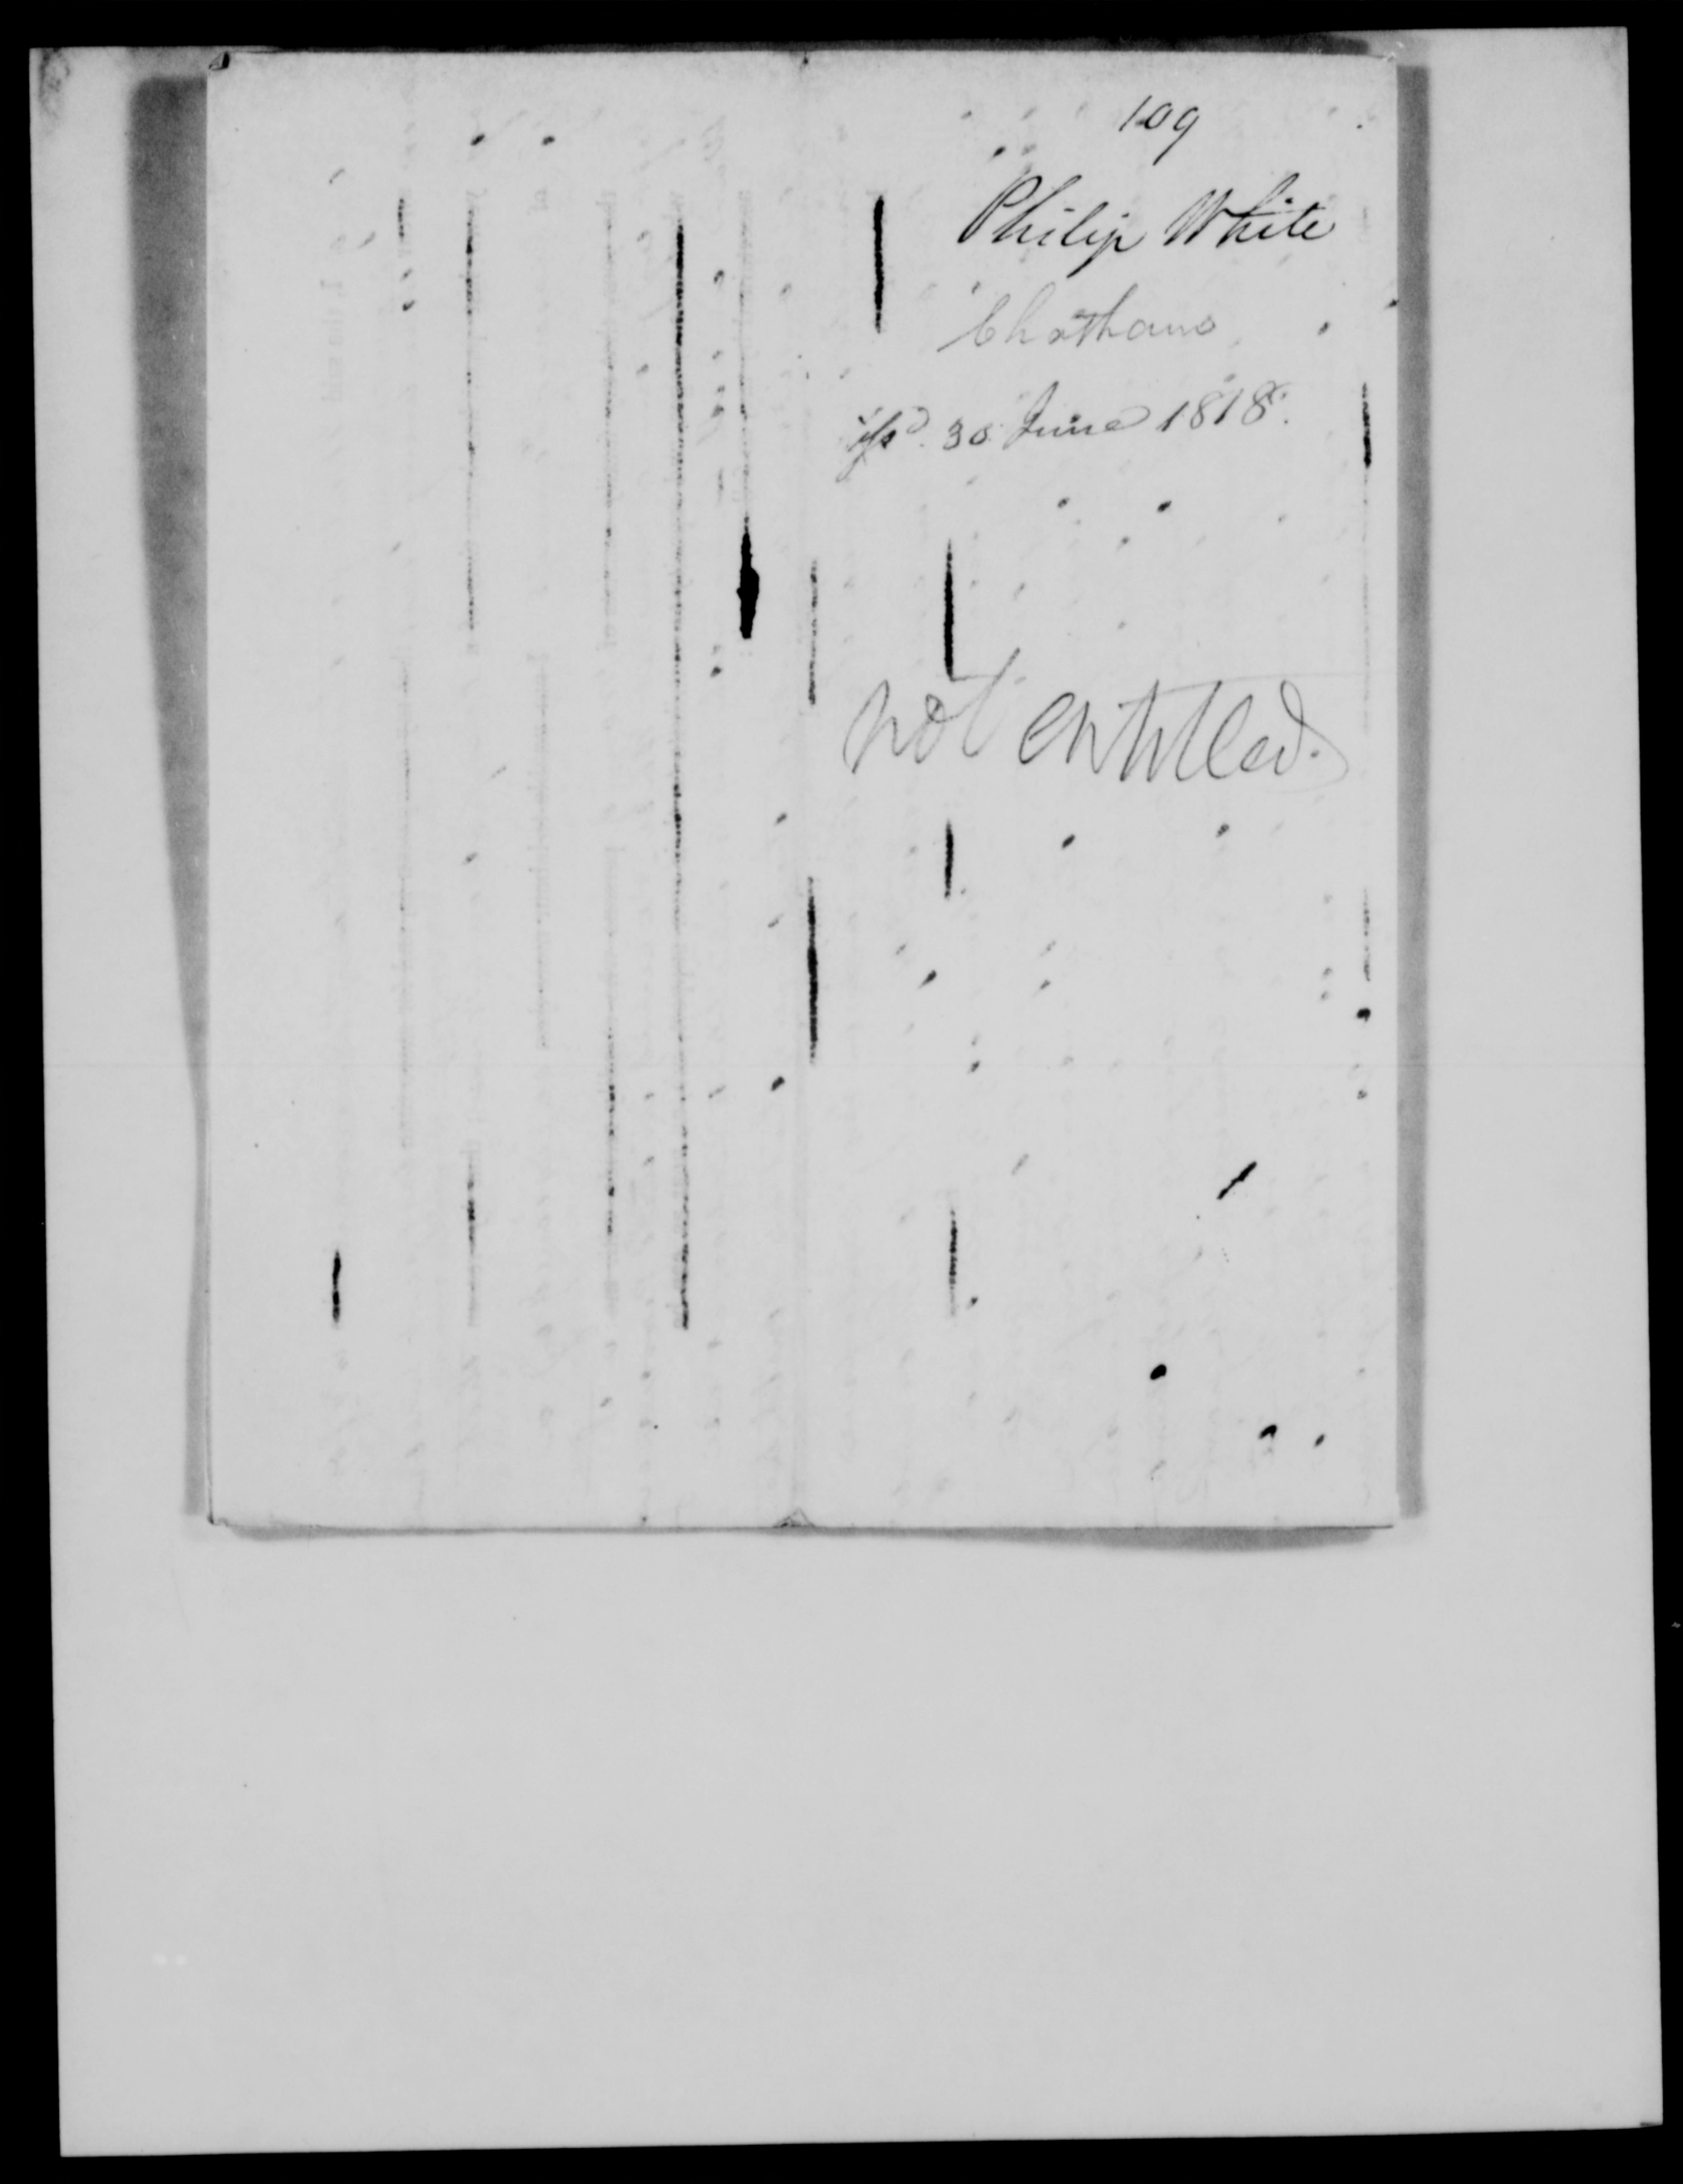109
Philip White
Chatham
issd 30 June 1818

not entitled.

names: Philip White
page: 7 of 50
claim: widow's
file: W. 25,969, Philip White, Conn.